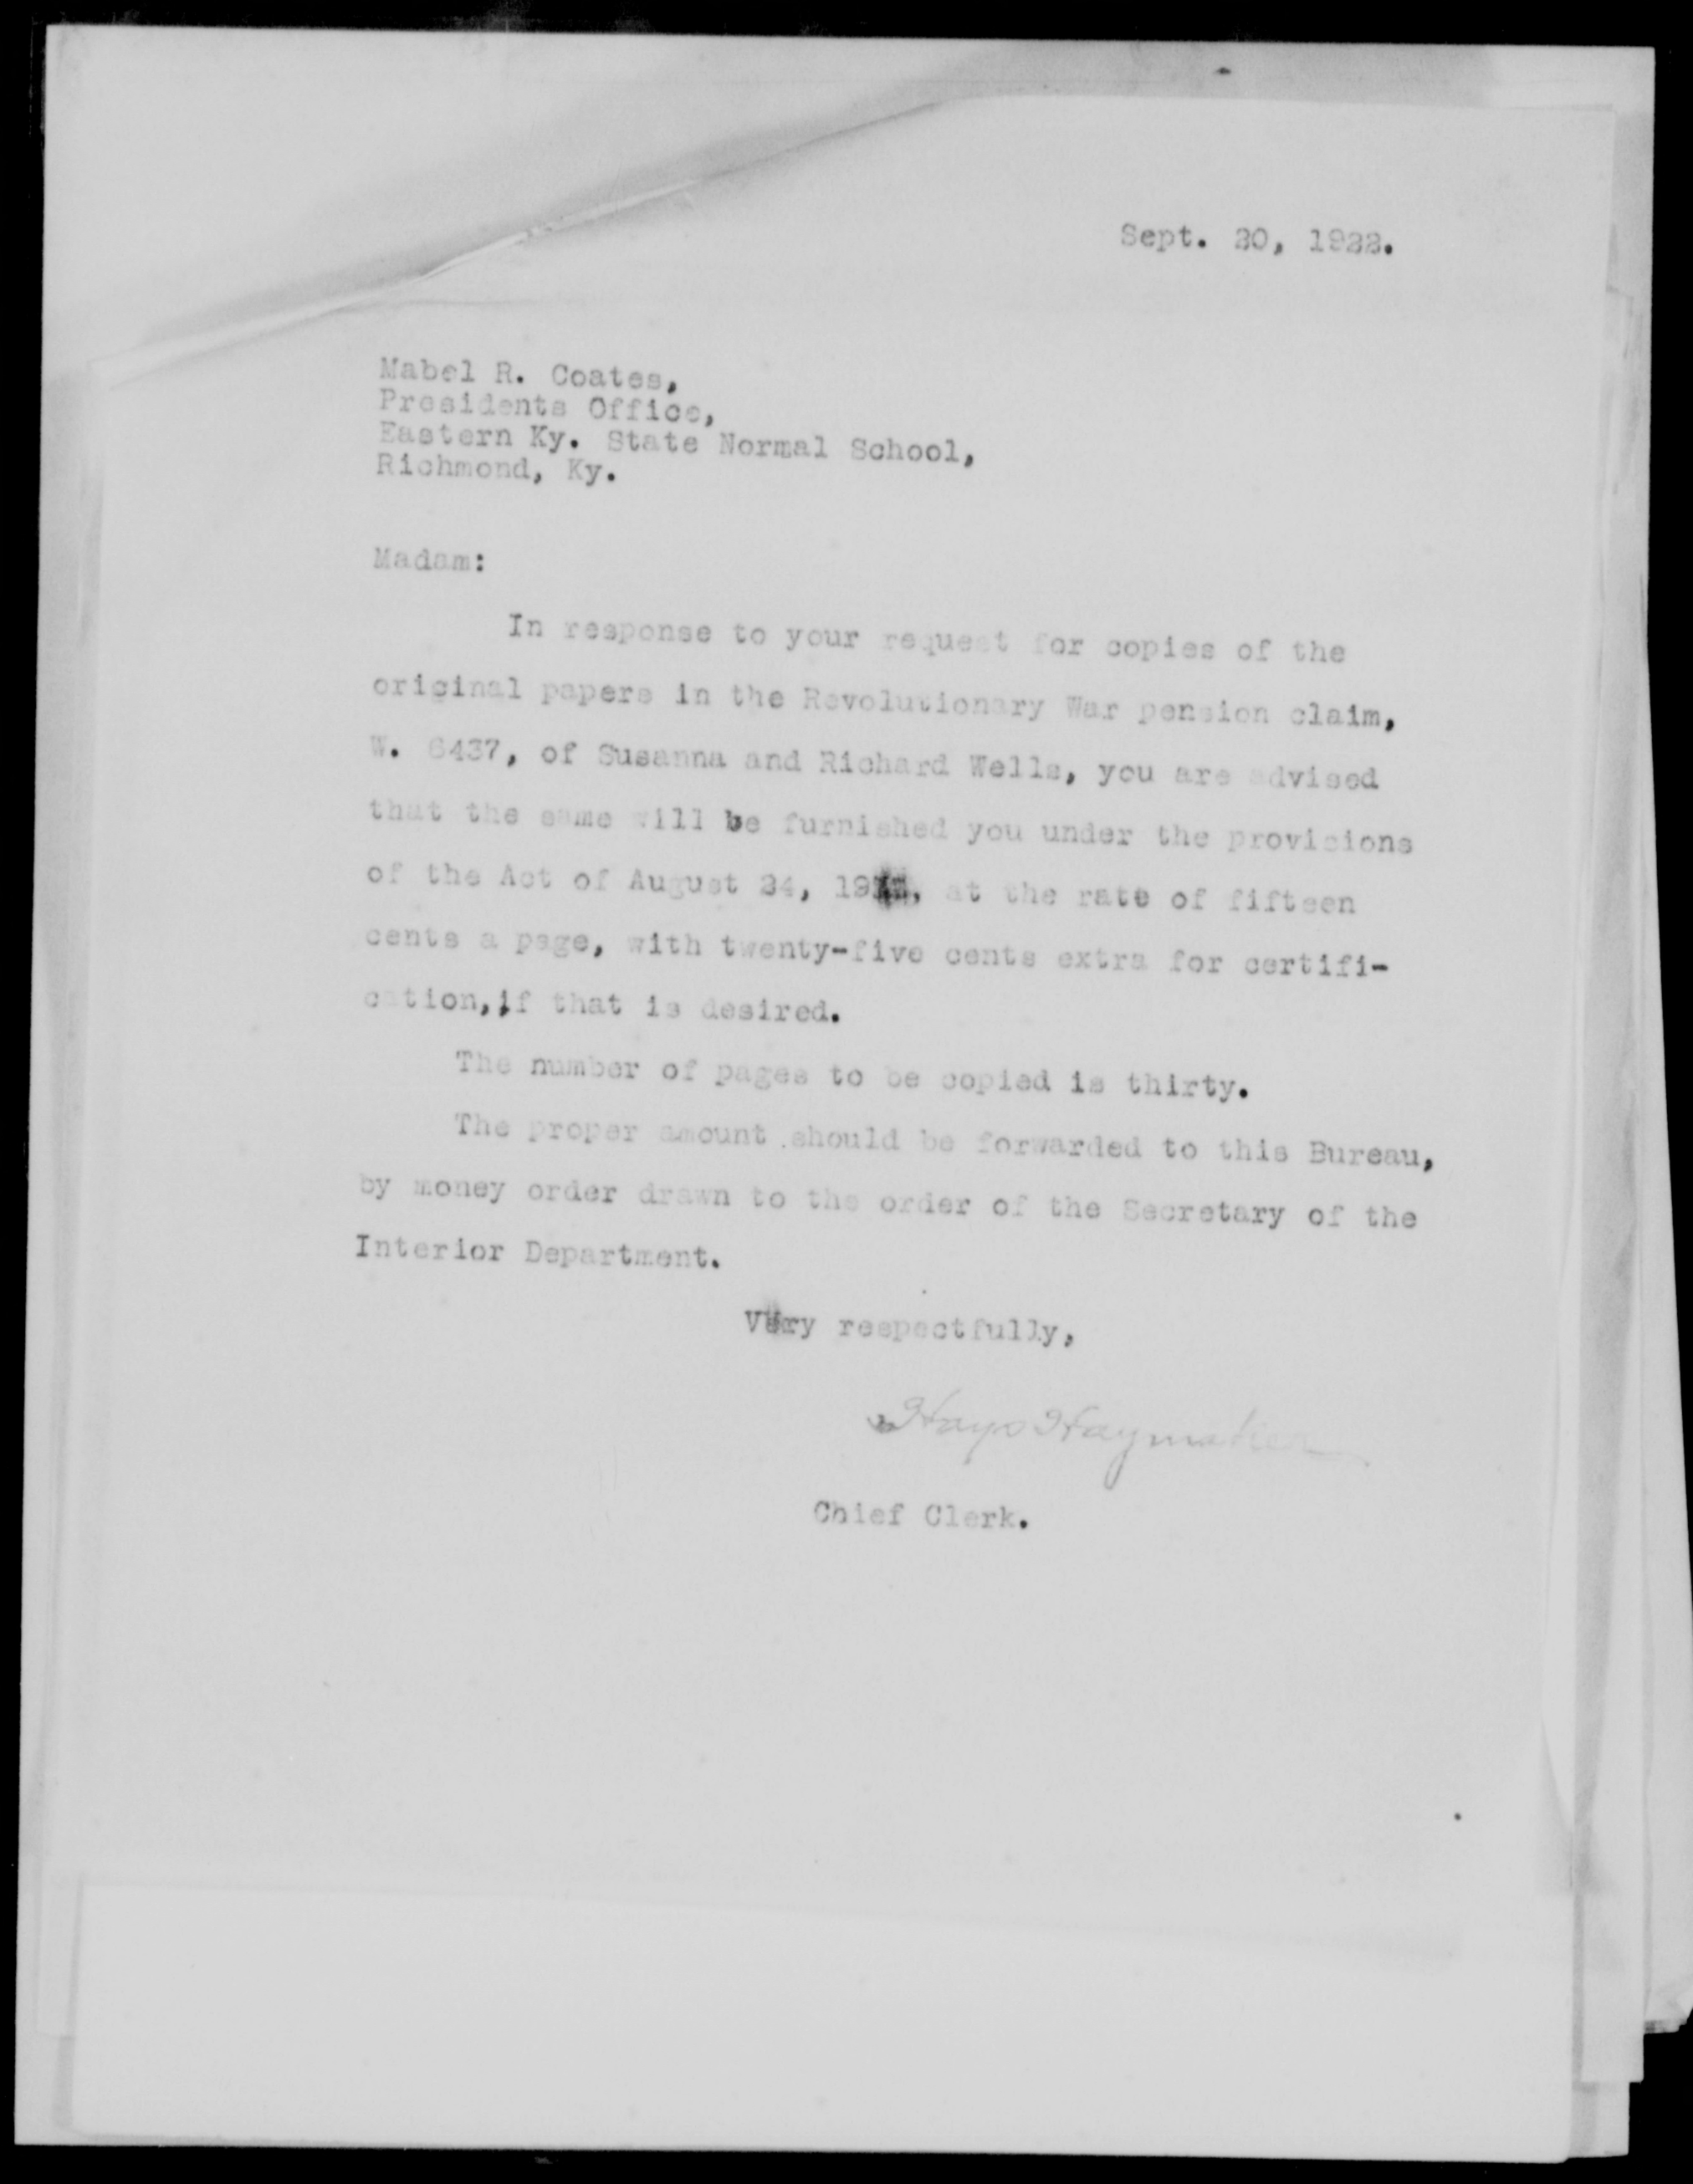Sept. 20, 1922.

Mabel R. Coates,
Presidents Office,
Eastern Ky. State Normal School,
Richmond, Ky.

Madam:
in response to your request for copies of the
original papers in the Revolutionary War pension claim,
W. 6437, of Susanna and Richard Wells, you are advised
that the same will be furnished you under the provisions
of the Act of August 24, 1844, at the rate of fifteen
cents a page, with twenty-five cents extra for certification, if that is desired.
The number of pages to be copied is thirty.
The proper account should be forwarded to this Bureau.
by money order drawn to the order of the Secretary of the
Interior Department.
Very respectfully,
Hays Haymaker
Chief Clerk.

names: Richard Wells, Mabel R Coates, Hays Haymaker, Susanna Wells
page: 98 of 100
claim: widow's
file: W. 6437, Richard Wells, Ga Va.